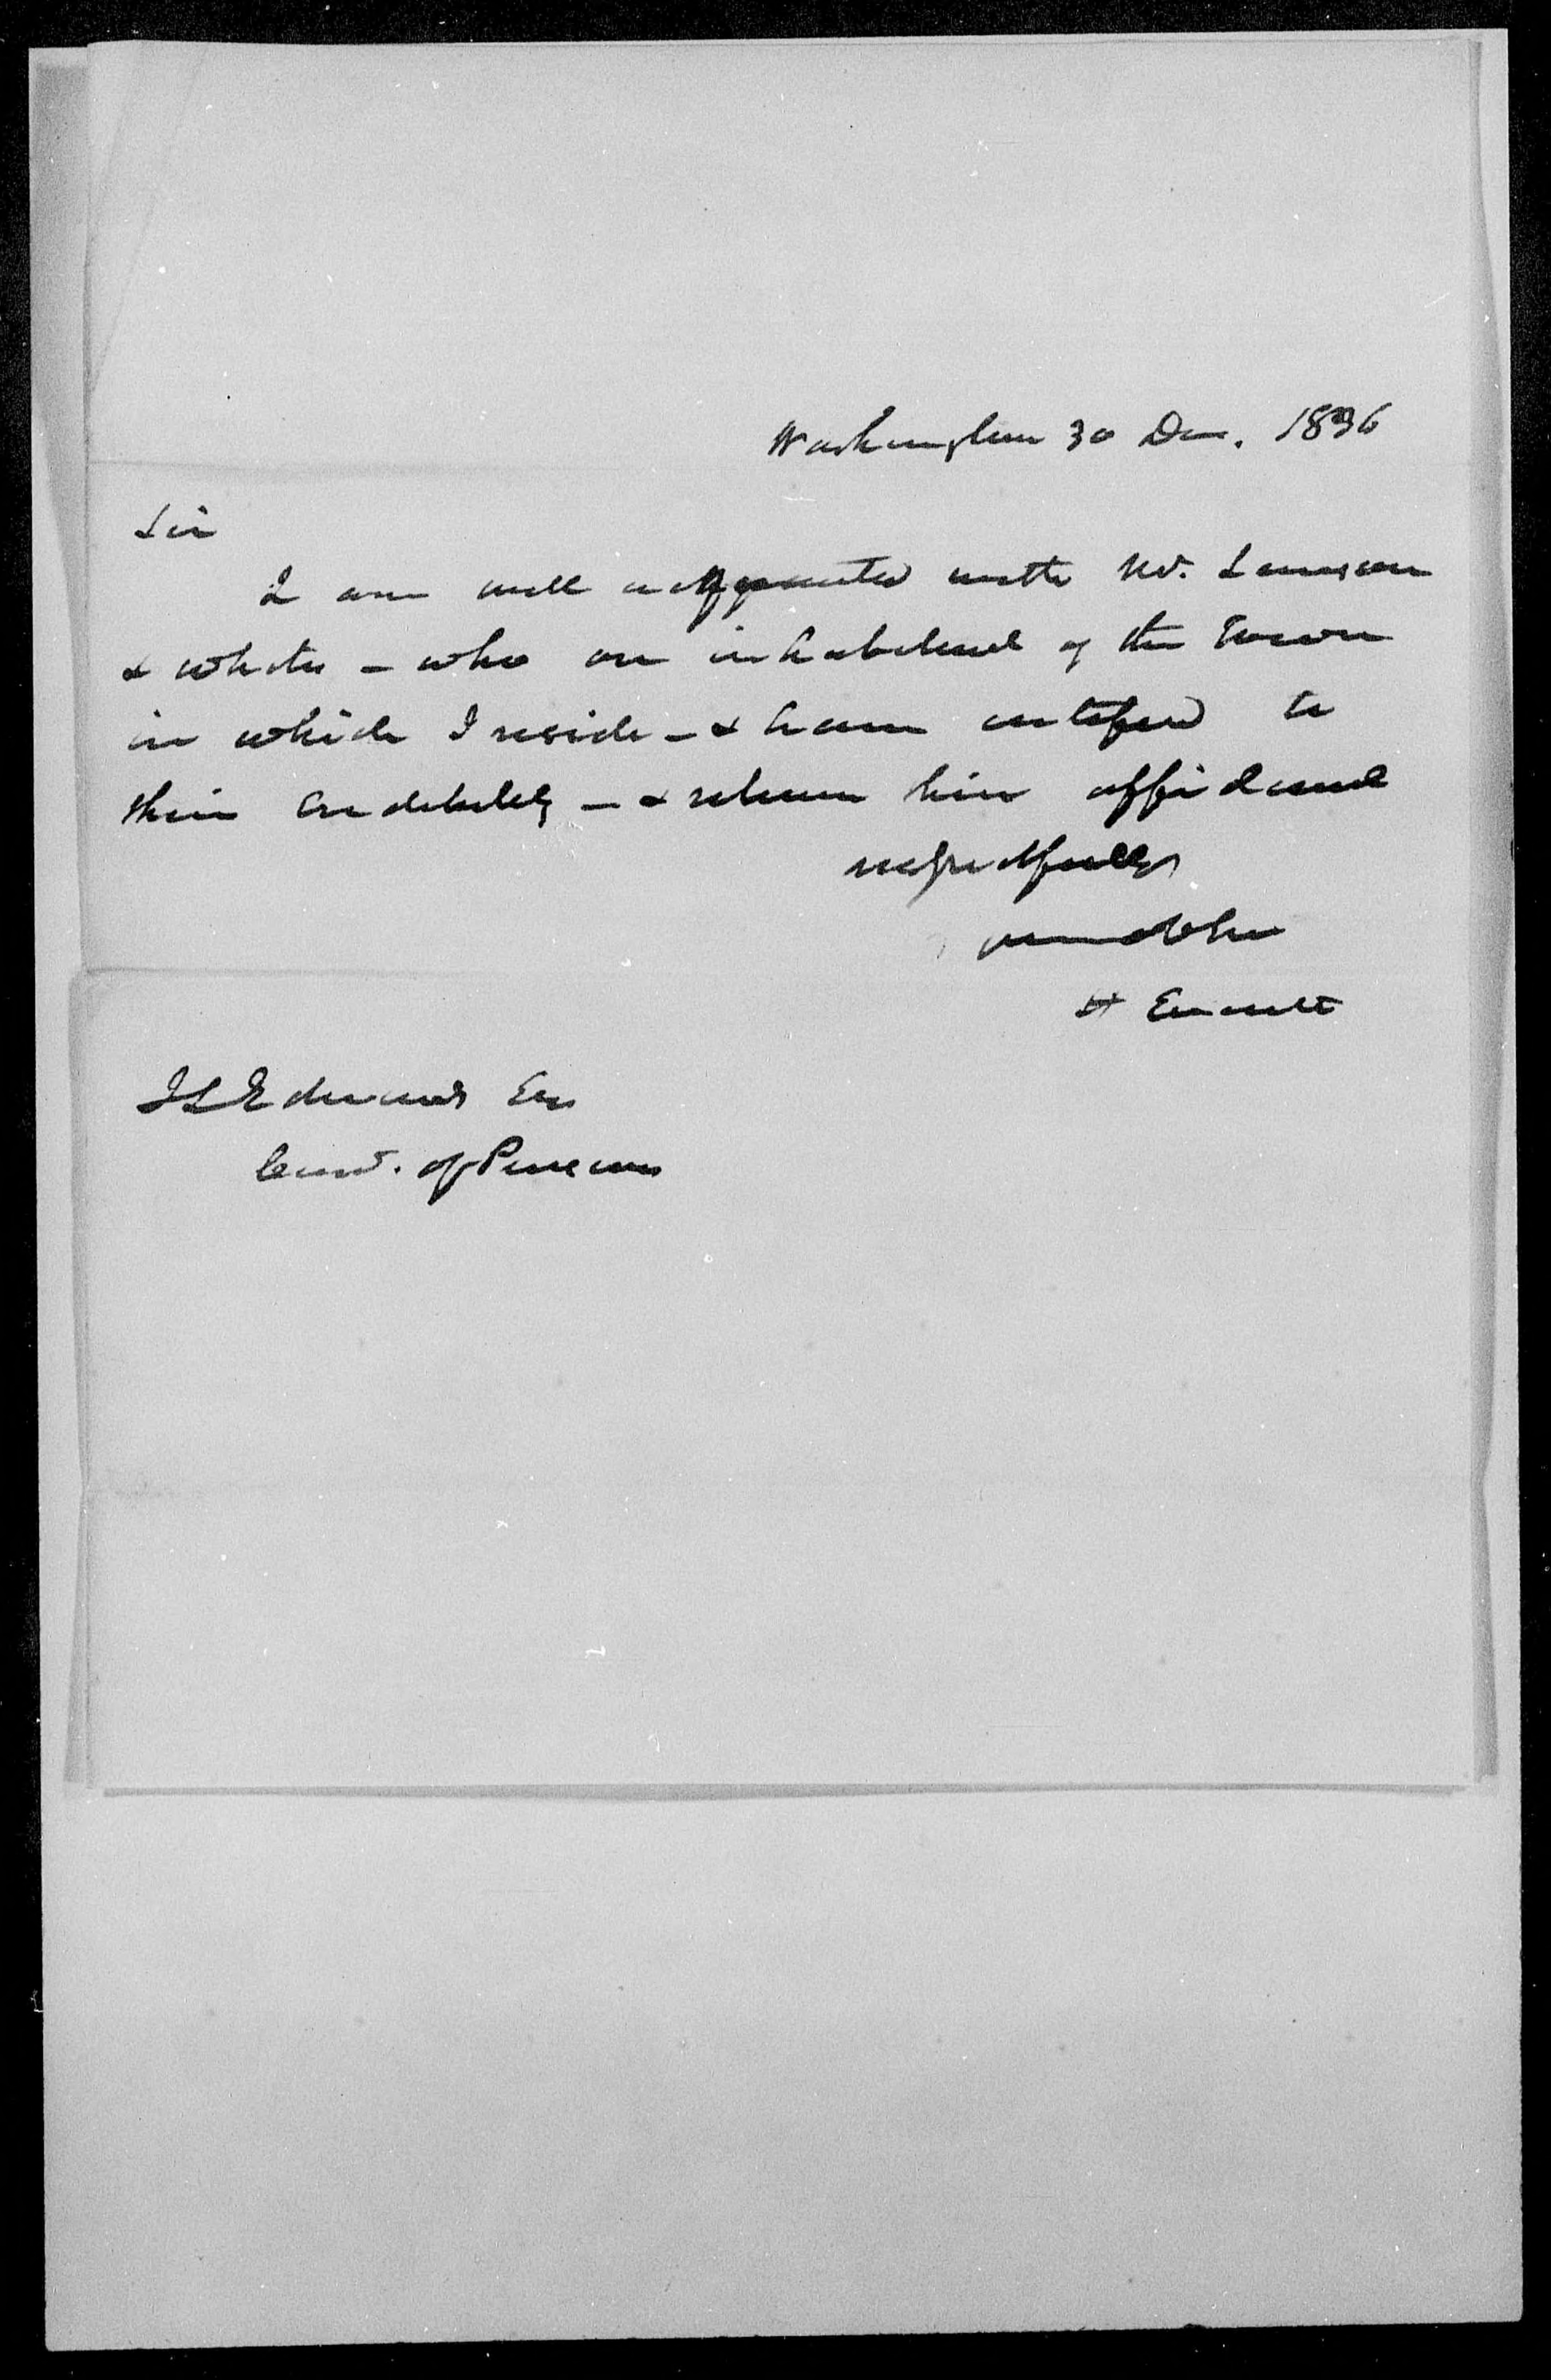Washington 30 Dec 1836 Sir I am well acquainted with Mr Lamson & White who are inhabitants of the town in which I reside & have certified to their credibility & release this affidavit Respectfully [illegible] H Everett JL Edwards Esq Comm of Pensions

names: Samson, White, H Everett, J L Edwards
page: 26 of 42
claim: rejected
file: R. 2,625, Benjamin Dake, R.I.